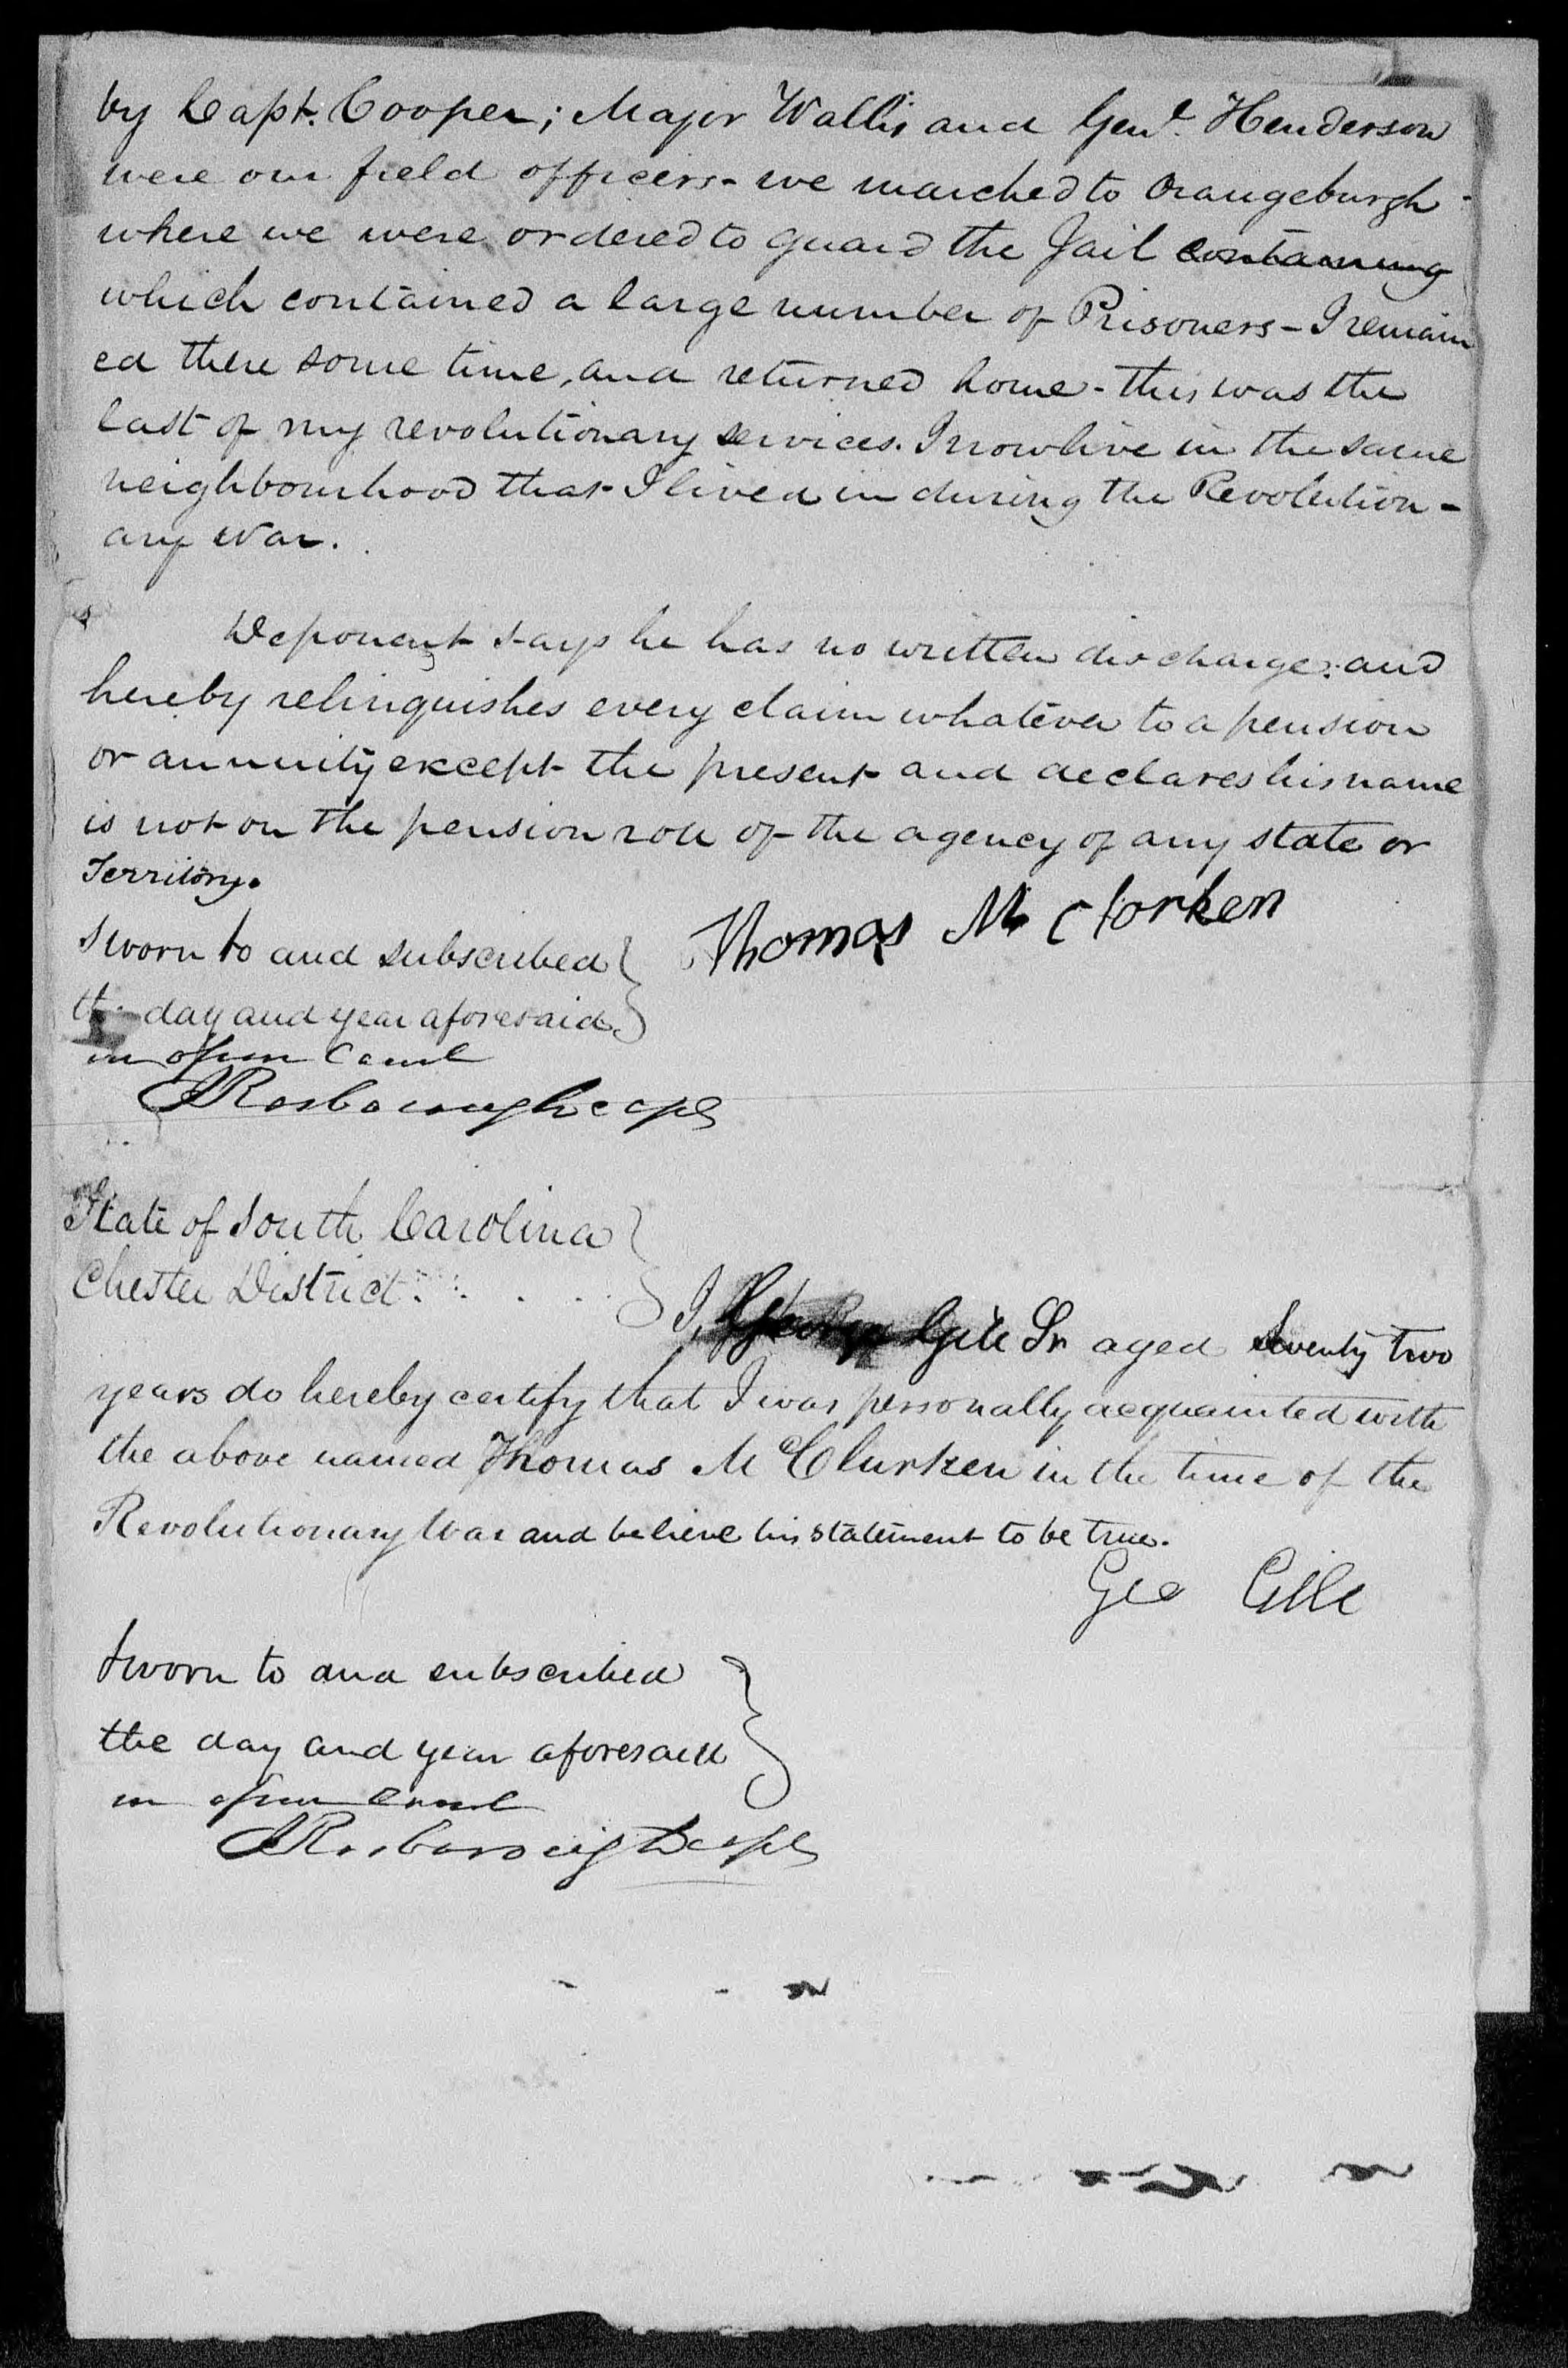by Capt Cooper, Major Wallis and Genl Henderson were our field officers. We marched to Orangeburgh where we were ordered to guard the Jail which contained a large number of Prisoners. I remained there some time, and returned home. This was the last of my revolutionary services, I now live in the same neighbourhood that I lived in during the Revolutionary war. 

Deponent says he has no written discharge and hereby relinquishes every claim whatever to a pension or annuity except the present and declares his name is not on the pension roll of the agency of any state or Territory. 
Thomas McClorken


Sworn to and subscribed}
this day and year aforesaid}
in open Court} 
JRosborough 

State of South Carolina} 
Chester District}
I  [unintelligible name] aged seventy two years do hereby certify that I was personally acquainted with 
the above named Thomas McClurken in the time of the 
Revolutionary War and believe his statement to be true. 
Geo Elle 

Sworn to and subscribed} 
the day and year aforesaid}
[unintelligible]
JRosborough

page: 12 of 93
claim: widow's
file: W. 21792, for Thomas Mc Clurken, South Carolina